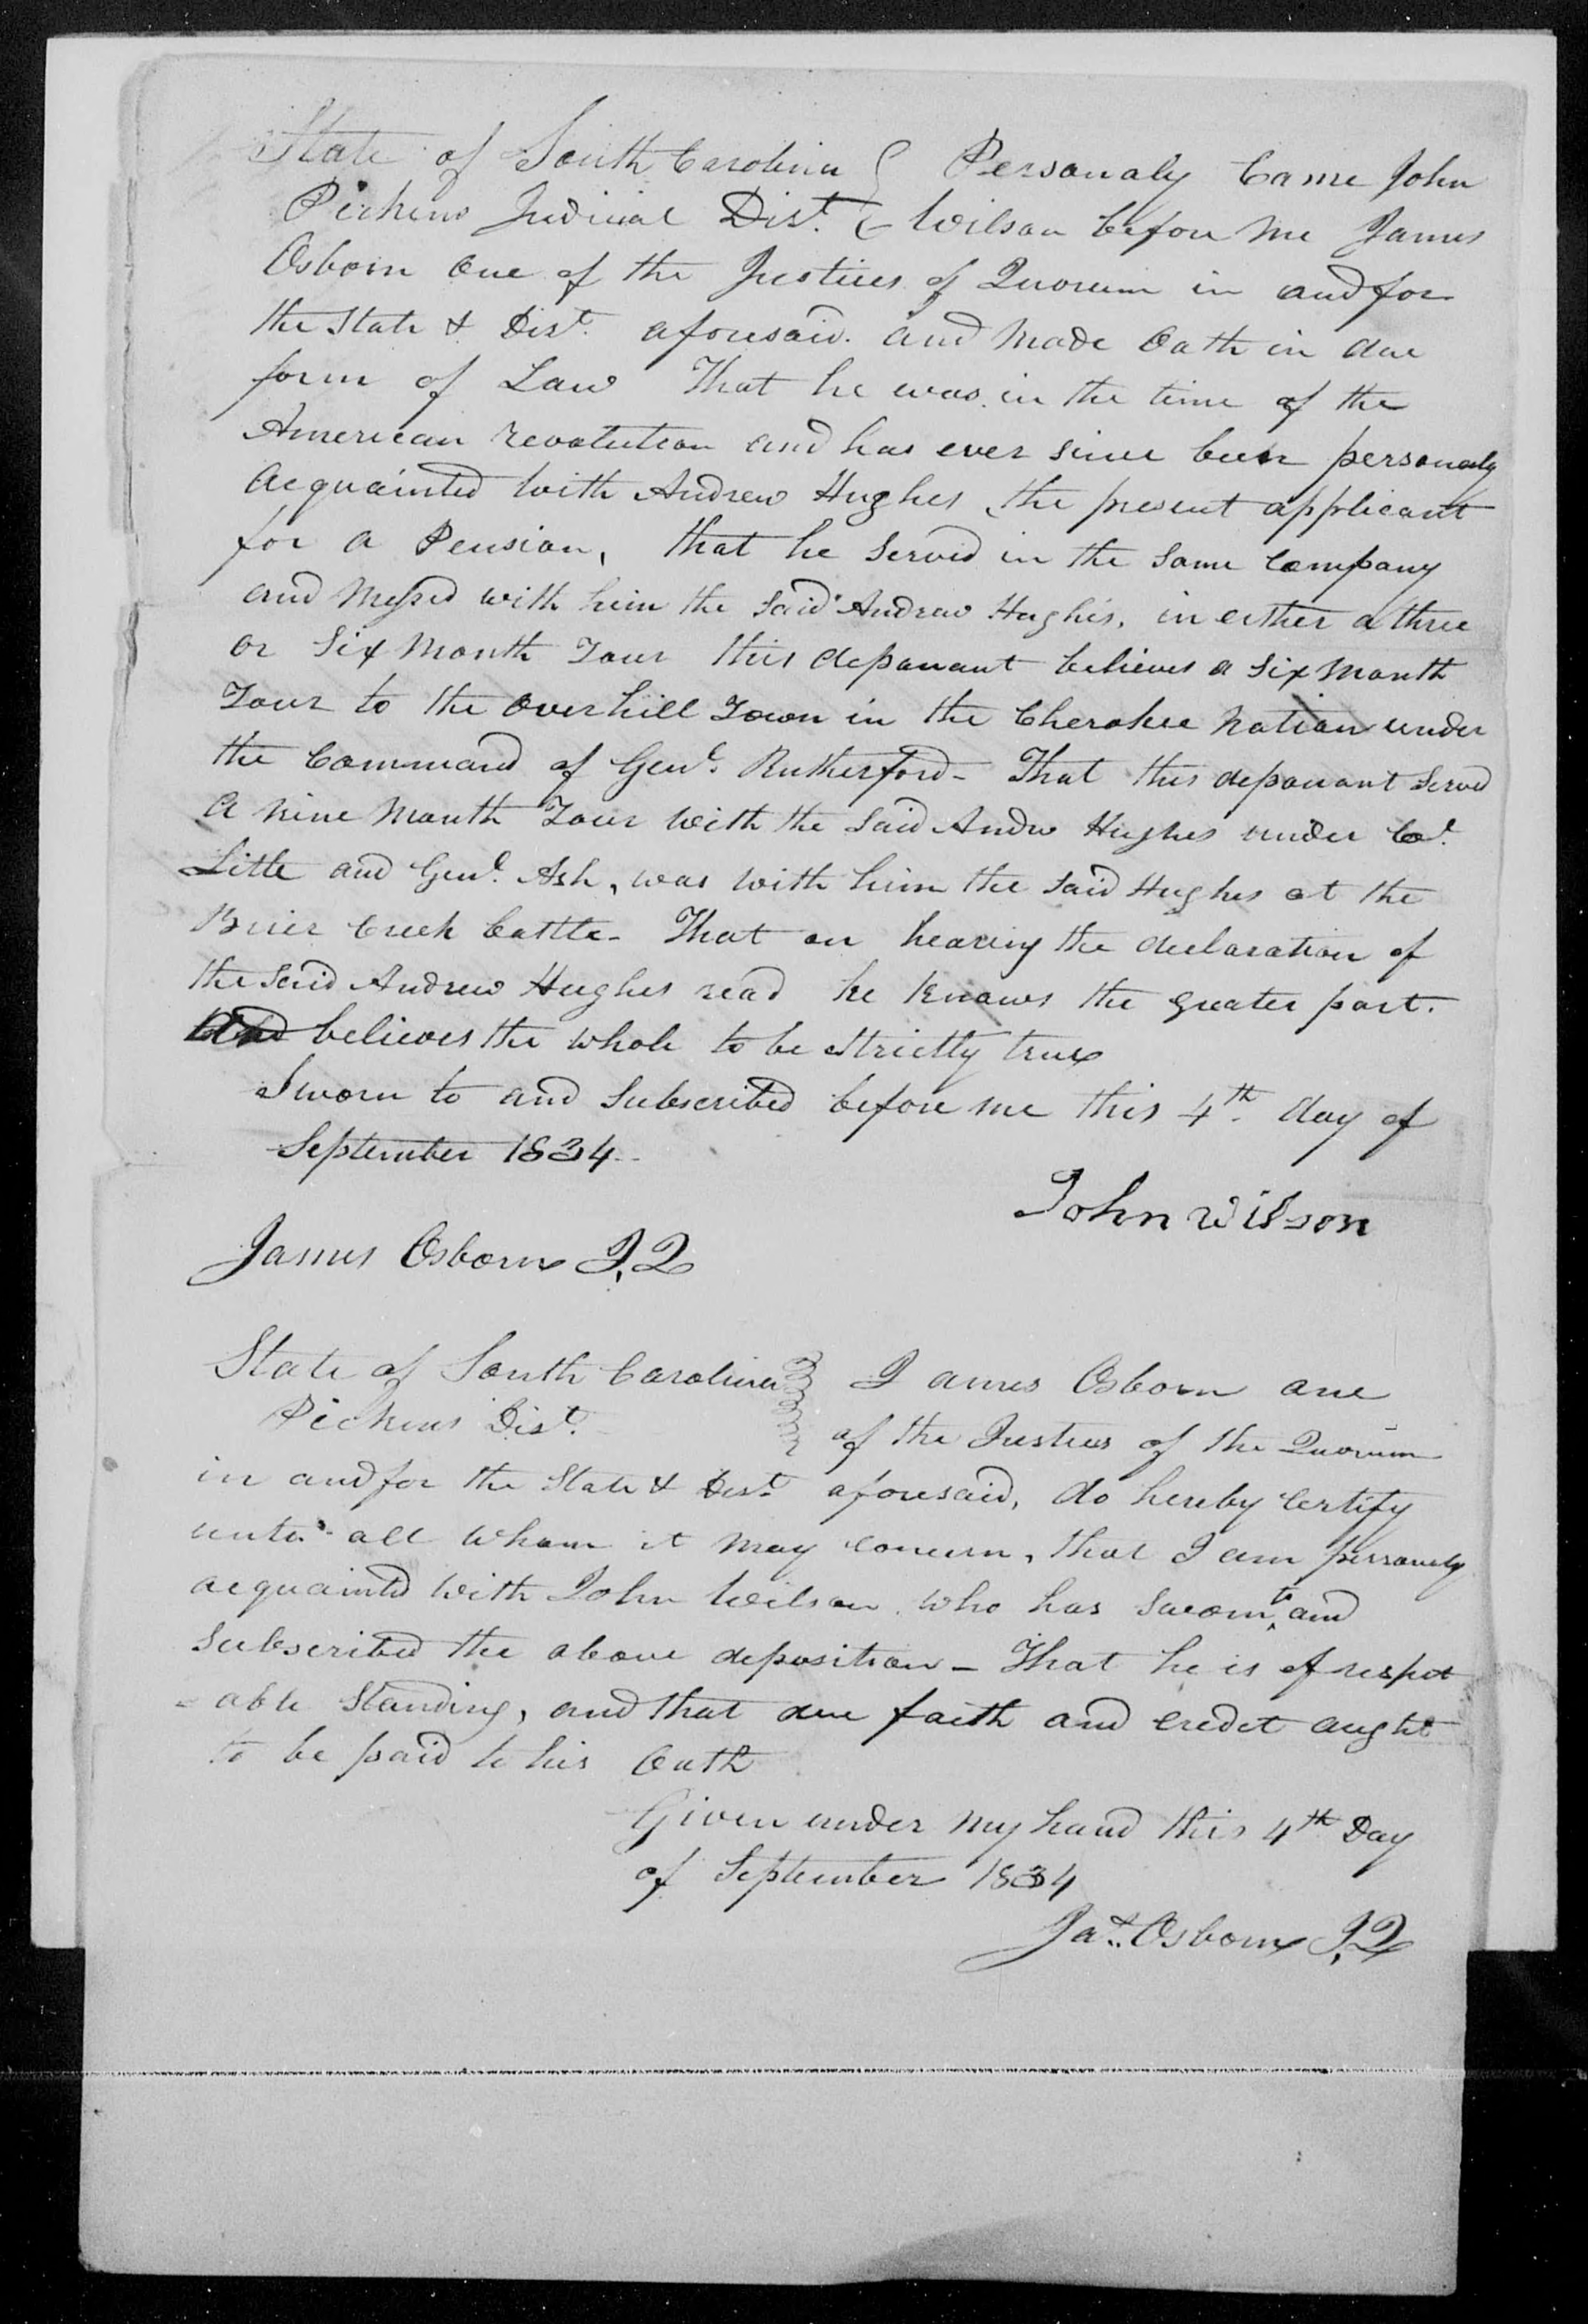State of South Carolina 
Pickens Judicial Dist 
Personally Came John Wilson before me James
Osborn one of the Justices of Quorum in and for the State & Dist aforesaid and made oath in due form of Law that he was in the time of the American Revolution and has ever since been personally acquainted with Andrew Hughes the present applicant for a Pension, that he served in the same company
and missed with him the said Andrew Hughes, in either a three or six month tour this deponent believes a six month
your to the Overhill Town in the Cherokee Nation under the command of Genl Rutherford - That this deponent served
nine month tour with the said Andw Hughes under Col Little and Genl Ash, was with him the said Hughes at the Brier Creek battle. That on hearing the declaration of
the said Andrew Hughes read he knows the greater part [illegible] believes the whole to be strictly true
Sworn to and subscribed before me this 4th day of September 1834
James Osborn J.Q
John Wilson
State of South Carolina
Pickens Dist
James Osborn one of the Justices of the Quorum in and for the State & Dist aforesaid, do hereby certify unto all whom it may concern, that I am personally
acquainted with John Wilson who has sworn to and Subscribed the above deposition - That he is of respectable standing, and that due faith and credit aught to be paid to his oath
Given under my hand this 4th day
of September 1834
Jas Osborn, JQ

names: Ash, Litle, Andrew Hughes, Andw Hughes, Rugherford, John Wilson, James Osborn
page: 59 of 75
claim: widow's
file: W. 25805, Andrew Hughes, N.C.